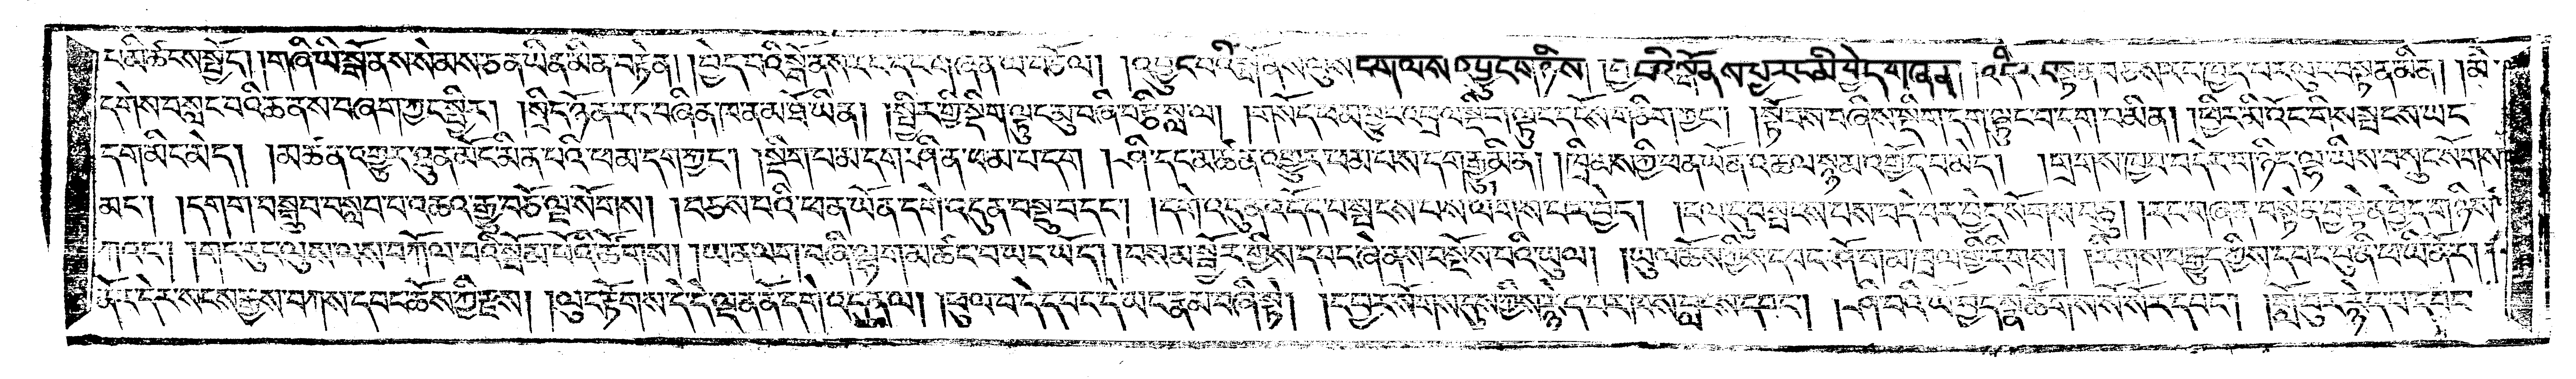པ་མི་ཚངས་སྤྱོད། །གཞི་ཡི་སྒོ་ནས་སེམས་ཅན་ཡིན་མིན་བརྟེན། །བྱེད་པའི་སྒོ་ནས་རང་དང་གཞན་ལ་བཅོལ། །འབྱུང་བའི་སྒོ་ནས་ལུས་ངག་ལས་འབྱུང་གཉིས། །བྱ་བའི་སྒོ་ནས་བྱ་རང་མི་བྱེད་གཞན། །འདིར་བསྟན་བཅས་རང་ཁྱད་པར་ལུང་བསྟན་མིན། །མི་
དགེས་བསླང་བའི་ཆ་ནས་བཞག་ཀྱང་སྤྱིར། །སྲིད་ཉོན་རང་བཞིན་ཁ་ན་མ་ཐོ་ཡིན། །སྤྱིར་གྱི་སྡིག་ལྟུང་མུ་བཞི་བརྩི་སླ་ལ། །གསོད་ཕམ་བྱུང་འཕྲལ་སྡིག་ལྟུང་དངོས་གཅིག་ཀྱང་། །སྟོབས་བཞིས་སྡིག་དག་ལྟུང་བ་དག་པ་མིན། །ཕྱིར་མི་འོང་གིས་སྤངས་ཡང་
ངག་མིང་མེད། །མཚན་འགྱུར་ཐུན་མོང་མིན་པའི་ཕམ་དག་ཀྱང་། །སྡིག་པ་མ་དག་ཤིན་ཕམ་པ་དག །ཤི་དང་མཚན་འགྱུར་ཕམ་པས་དག་རྒྱུ་མིན། །ཁྲིམས་ཀྱི་ཕན་ཡོན་འཆལ་སྙམ་འགྱོད་པ་མེད། །གྲགས་ཁྱབ་བདེར་གཉིད་ལྷ་ཡིས་བསྲུང་སོགས་
མང་། །དགག་བསྒྲུབ་བསླབ་པ་འཆའ་རྒྱུ་བཅོ་ལྔ་སོགས། །བཅས་པའི་ཕན་ཡོན་དགེ་འདུན་བསྡུ་བ་དང་། །དགེ་འདུན་འདོད་པ་སྤངས་པས་ལེགས་པར་བྱེད། །ངལ་དུབ་སྤངས་པས་བདེ་བར་བྱེད་སོགས་བཅུ། །རང་གཞན་བསྟེན་བྱ་སྟེན་བྱེད་གཉིས་
ཀའང་། །གང་རུང་ལུས་ལས་བཀོལ་བའི་སྦོམ་པོའི་ཚོགས། །ཡན་ལག་བཞི་ལྷག་མ་ཚང་བ་ཡང་ཡོད། །བསམ་སྦྱོར་གྱིས་དབང་ཞེ་ནས་བསྔོས་པའི་ཡུལ། །ཡུལ་ཆོས་ཀྱིས་དབང་ཤོ་གམ་ཁྲལ་གྱི་རིགས། །རིགས་བརྒྱུད་ཀྱིས་དབང་བུ་ནི་ཕ་ཡི་ནོར། །
ནོར་དེར་སངས་རྒྱས་བཀས་དབང་ཆོས་ཀྱི་རྫས། །ལུང་རྟོགས་དེ་དེ་ལྡན་ནོ་དགེ་འདུན་ལ། །ཕུལ་བ་དེ་དབང་དེ་ཡང་རྣམ་བཞི་སྟེ། །དབྱར་སོགས་དུས་ཀྱིས་རྙེད་པར་ཁས་བླངས་དབང་། །ཤི་བའི་ཡོ་བྱད་སྣ་ཚོགས་སོ་སོར་དབང་། །གློ་བུར་རྙེད་པ་དབང་